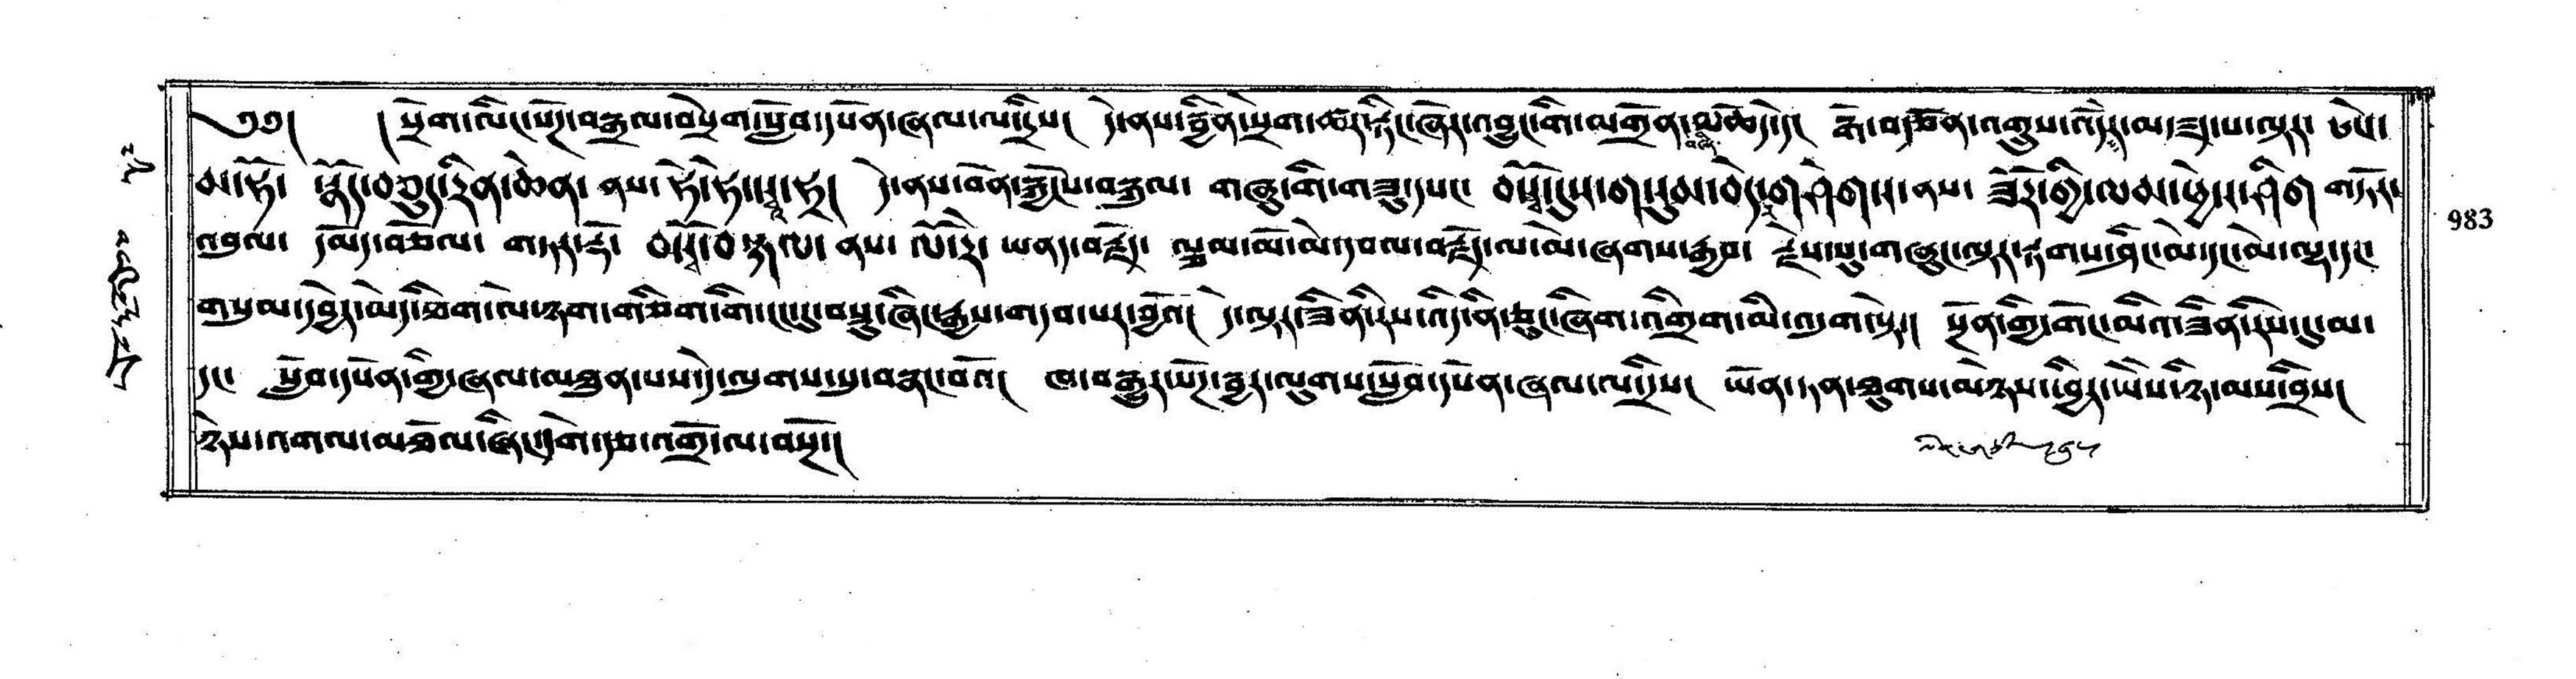སྲོག་ལིང་སོགས་བསྒྲལ་བསྲེག་སློབ་དཔོན་ཞལ་ལ་དྲིས། དེ་ནས་སྦྱིན་སྲེག་ཚར་རྟིང་ཞོར་འབྱུང་གི་མགྲོན་བཞི་མཆོད་དེ། སྒོ་བརྩོན་འགྲུས་འོད་ཟེར་མཛད་པ་ལྟར་ཨེ་
མ་ཧོ། སྣོད་བཅུད་རིན་ཆེན་ནས་ཧེ་ཧེ་སྭཱཧཱ། དེ་ནས་བོན་སྐྱོང་བསྐུལ། གཞུང་གི་གཟུ་དཔང་། བསྭོ་དུས་གསུམ་བདེར་གཤེགས་ནས་ཟོར་གྱི་ལམ་ཕྱེས་ཤིག་གཏོར་
འབུལ། དམོད་བཅོལ། གཏར་རྡོ། བསྭོ་བསྐལ་ནས་ལོ་རེ་ཡན་ཆད་བརྗོད། ལྕམ་མོ་མེ་དབལ་བརྗོད་ལ་མེ་ཞགས་བརྒྱབ། རྗེས་སུ་གཞུང་ལྟར་རྟགས་ཤིང་མེ་དང་མེ་ལྷ་དང་
གསུམ་དབྱེར་མེད་ཐིག་ལེ་ཉག་གཅིག་གི་ངང་དུ་བསྡུ་ཞིང་རྒྱས་གདབ་པར་བྱའོ། དེ་ལྟར་ཟིན་རིས་འདི་ནི་ཅུང་ཞིག་འགྲིག་མི་འདུག་སྟེ། སྔོན་གྱི་གོང་མའི་ཟིན་རིས་དུ་མ་
དང་སློབ་དཔོན་གྱི་ཞལ་མཐུན་པས་དེ་ལུགས་སུ་སྣང་བའོ། ཁ་བསྒྱུར་སོགས་སྦྱར་ལུགས་སློབ་དཔོན་ཞལ་ལ་དྲིས། ཡོན་ཏན་ཐུགས་མཉེས་ཕྱིར་ཡེ་ཤེས་ཉི་མས་བྲིས། 
ཉེས་འགལ་མཐོལ་ཞིང་དགེ་རྩ་འགྲོ་ལ་བསྔོ།